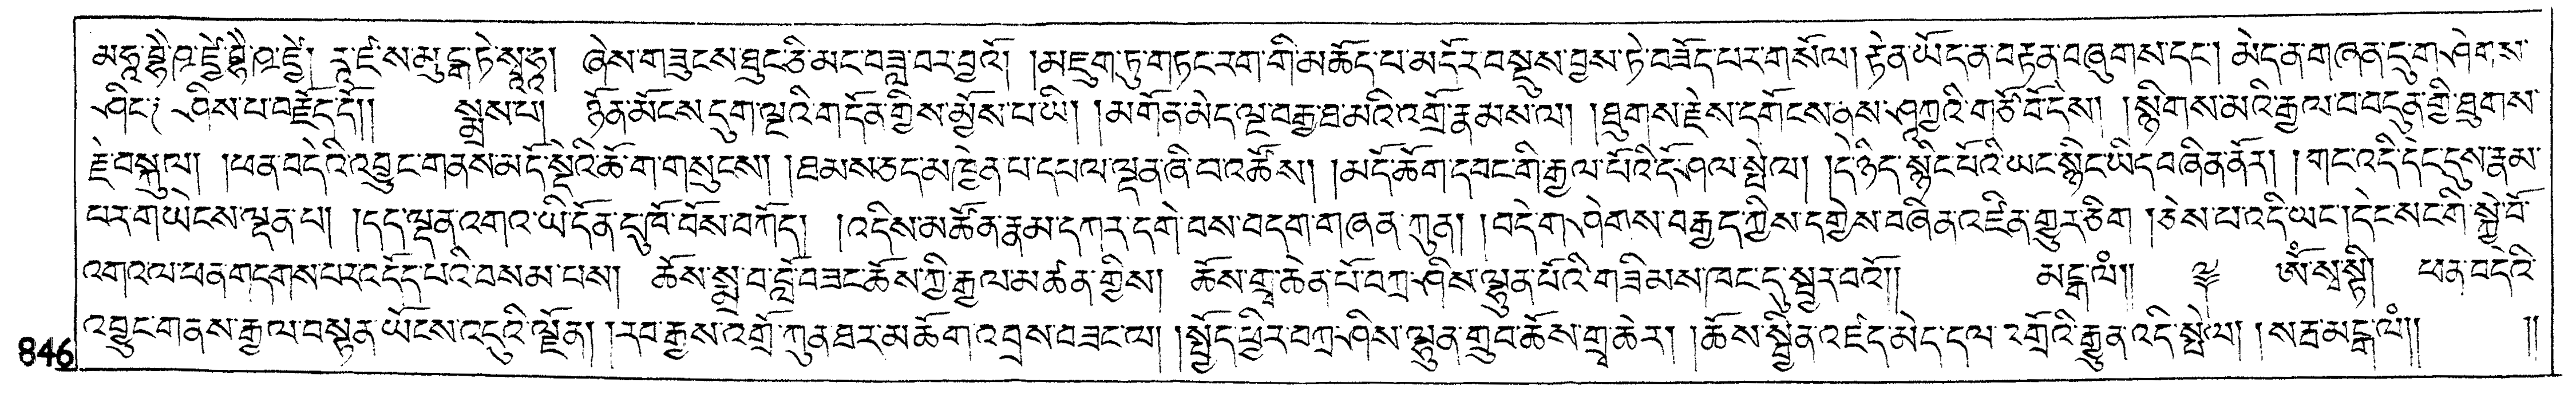མཧཱ་བྷཻ་ཥ་ཛྱེ་བྷཻ་ཥ་ཛྱེ། རཱ་ཛ་ས་མུངྒ་ཏེ་སྭཱཧཱ། ཞེས་གཟུངས་ཐུང་ཅི་མང་བཟླ་བར་བྱའོ། །མཇུག་ཏུ་གཏང་རག་གི་མཆོད་པ་མདོར་བསྡུས་བྱས་ཏེ་བཟོད་པར་གསོལ། རྟེན་ཡོད་ན་བརྟན་བཞུགས་དང་། མེད་ན་གཞན་དུ་གཤེགས་
ཤིང༑ ཤིས་པ་བརྗོད་དོ།། སྨྲས་པ། ཉོན་མོངས་དུག་ལྔའི་གདོན་གྱིས་མྱོས་པ་ཡི། །མགོན་མེད་ལྔ་བརྒྱ་ཐ་མའི་འགྲོ་རྣམས་ལ། །ཐུགས་རྗེས་དགོངས་ནས་ཤཱཀྱའི་གཙོ་བོ་དེས། །སྙིགས་མའི་རྒྱལ་བ་བདུན་གྱི་ཐུགས་
རྗེ་བསྐུལ། །ཕན་བདེའི་འབྱུང་གནས་མདོ་སྡེའི་ཆོ་ག་གསུངས། །ཐམས་ཅད་མཁྱེན་པ་དཔལ་ལྡན་ཞི་བ་འཚོས། །མདོ་ཆོག་དབང་གི་རྒྱལ་པོའི་དོ་ཤལ་སྤེལ། །དེ་ཉིད་སྙིང་པོའི་ཡང་སྙིང་ཡིད་བཞིན་ནོར། །གང་འདི་དེང་དུས་རྣམ་
པར་གཡེངས་ལྡན་པ། །དད་ལྡན་འགའ་ཡི་དོན་དུ་ཁོ་བོས་བཀོད། །འདིས་མཚོན་རྣམ་དཀར་དགེ་བས་བདག་གཞན་ཀུན། །བདེ་གཤེགས་བརྒྱད་ཀྱིས་དགྱེས་བཞིན་འཛིན་གྱུར་ཅིག །ཅེས་པ་འདི་ཡང་། དེང་སང་གི་སྐྱེ་བོ་
འགའ་ལ་ཕན་གདགས་པར་འདོད་པའི་བསམ་པས། ཆོས་སྨྲ་བ་བློ་བཟང་ཆོས་ཀྱི་རྒྱལ་མཚན་གྱིས། ཆོས་གྲྭ་ཆེན་པོ་བཀྲ་ཤིས་ལྷུན་པོའི་གཟིམས་ཁང་དུ་སྦྱར་བའོ།། མངྒ་ལཾ།། ༈ ཨོཾ་སྭ་སྟི། ཕན་བདེའི་
འབྱུང་གནས་རྒྱལ་བསྟན་ཡོངས་འདུའི་ལྗོན། །རབ་རྒྱས་འགྲོ་ཀུན་ཐར་མཆོག་འབྲས་བཟང་ལ། །སྤྱོད་ཕྱིར་བཀྲ་ཤིས་ལྷུན་གྲུབ་ཆོས་གྲྭ་ཆེར། །ཆོས་སྦྱིན་འཛད་མེད་དལ་འགྲོའི་རྒྱུན་འདི་སྤེལ། །སརྦ་མངྒ་ལཾ།། །།